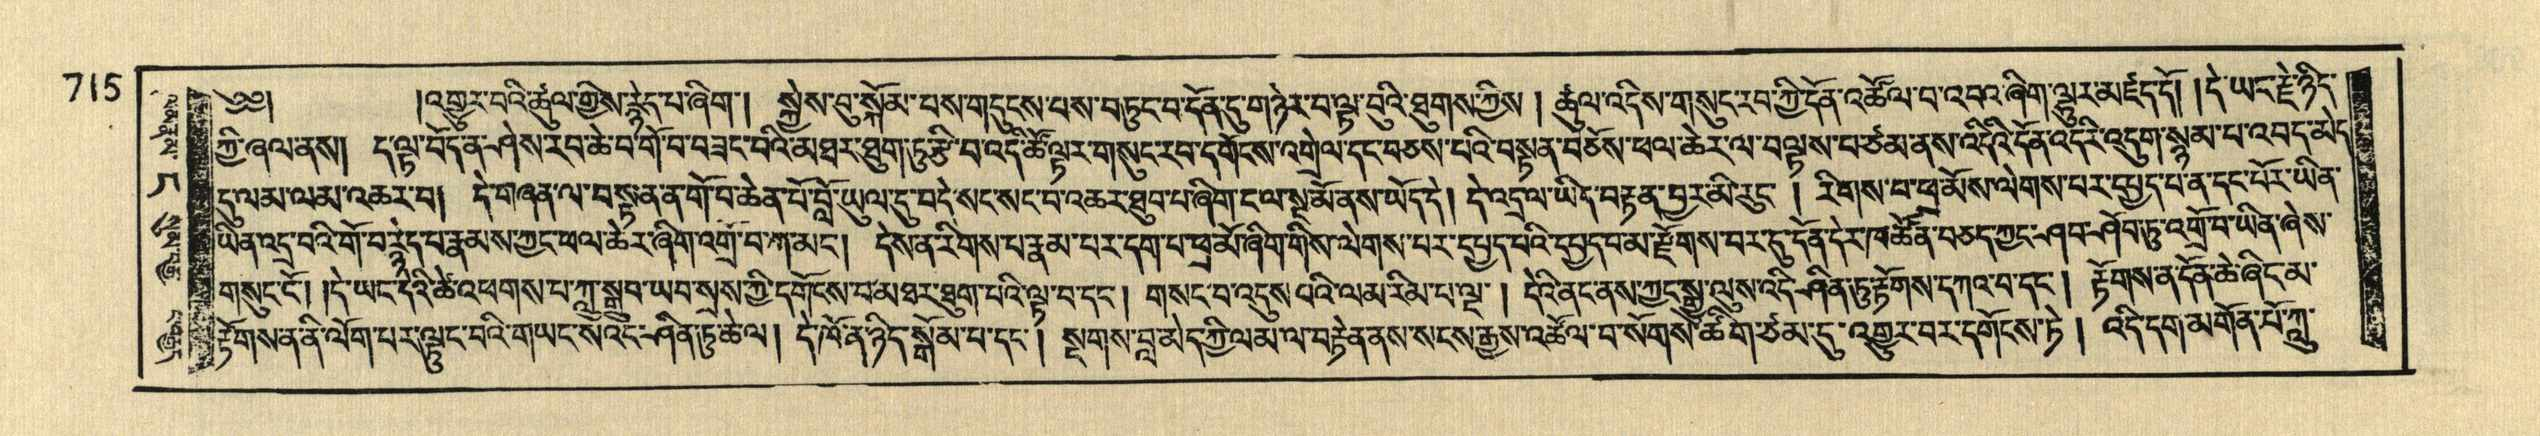༄༅། །འགྱུར་བའི་ཚུལ་གྱིས་རྙེད་པ་ཞིག། སྐྱེས་བུ་སྐོམ་པས་གདུངས་པས་བཏུང་བ་དོན་དུ་གཉེར་བ་ལྟ་བུའི་ཐུགས་ཀྱིས། ཚུལ་འདིས་གསུང་རབ་ཀྱི་དོན་འཚོལ་བ་འབའ་ཞིག་ལྷུར་མཛད་དོ། །དེ་ཡང་རྗེ་ཉིད་
ཀྱི་ཞལ་ནས། ད་ལྟ་བོད་ན་ཤེས་རབ་ཆེ་བ་གོ་བ་བཟང་བའི་མཐར་ཐུག་ཏུ་རྩི་བ་འདི་ཚོ་ལྟར་གསུང་རབ་དགོངས་འགྲེལ་དང་བཅས་པའི་བསྟན་བཅོས་ཕལ་ཆེར་ལ་བལྟས་པ་ཙམ་ནས་འདིའི་དོན་འདིར་འདུག་སྙམ་པ་འབད་མེད་
དུ་ལམ་ལམ་འཆར་བ། དེ་གཞན་ལ་བསྟན་ན་གོ་བ་ཆེན་པོ་བློ་ཡུལ་དུ་བདེ་སང་སང་བ་འཆར་ཐུབ་པ་ཞིག་ང་ལ་སྔ་མོ་ནས་ཡོད་དེ། དེ་འདྲ་ལ་ཡིད་བརྟན་བྱར་མི་རུང་། རིགས་པ་ཕྲ་མོས་ལེགས་པར་དཔྱད་པ་ན་དང་པོར་ཡིན་
ཡིན་འདྲ་བའི་གོ་བརྙེད་པ་རྣམས་ཀྱང་ཕལ་ཆེར་ཞིག་འགྲོ་བ་ཀ་མང་། དེས་ན་རིགས་པ་རྣམ་པར་དག་པ་ཕྲ་མོ་ཞིག་གིས་ལེགས་པར་དཔྱད་པའི་དཔྱད་པ་མ་རྫོགས་པར་དུ་དོན་དེར་ཁ་ཚོན་བཅད་ཀྱང་ཤབ་ཤོབ་ཏུ་འགྲོ་བ་ཡིན་ཞེས་
གསུང་ངོ། །དེ་ཡང་དེའི་ཚེ་འཕགས་པ་ཀླུ་སྒྲུབ་ཡབ་སྲས་ཀྱི་དགོངས་པ་མཐར་ཐུག་པའི་ལྟ་བ་དང་། གསང་བ་འདུས་པའི་ལམ་རིམ་པ་ལྔ། དེའི་ནང་ནས་ཀྱང་སྒྱུ་ལུས་འདི་ཤིན་ཏུ་རྟོགས་དཀའ་བ་དང་། རྟོགས་ན་དོན་ཆེ་ཞིང་མ་
རྟོགས་ན་ནི་ལོག་པར་ལྟུང་བའི་གཡང་སའང་ཤིན་ཏུ་ཆེ་ལ། དེ་ཁོ་ན་ཉིད་སྒོམ་པ་དང་། སྔགས་བླ་མེད་ཀྱི་ལམ་ལ་བརྟེན་ནས་སངས་རྒྱས་འཚོལ་བ་སོགས་ཚིག་ཙམ་དུ་འགྱུར་བར་དགོངས་ཏེ། འདི་དག་མགོན་པོ་ཀླུ་